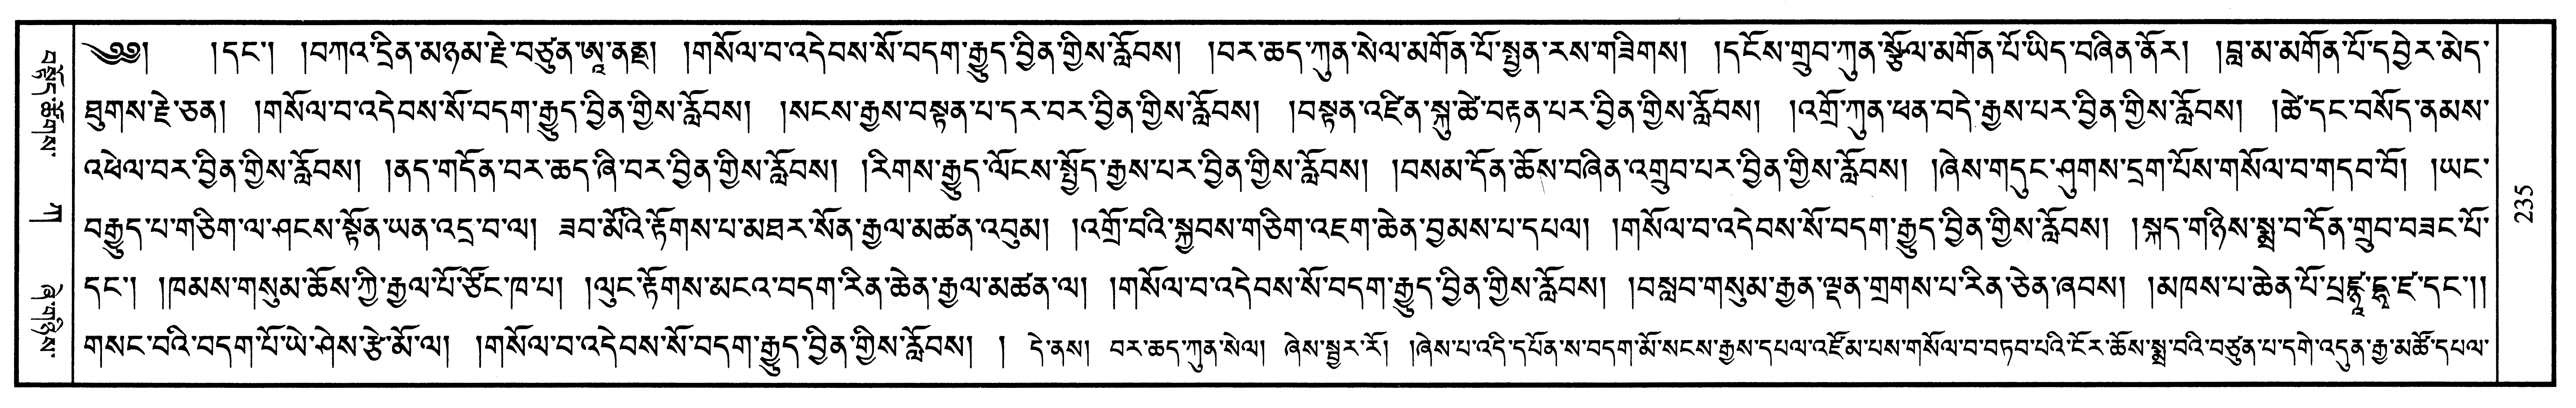༄༅། །དང་། །བཀའ་དྲིན་མཉམ་རྗེ་བཙུན་ཨཱ་ནནྡ། །གསོལ་བ་འདེབས་སོ་བདག་རྒྱུད་བྱིན་གྱིས་རློབས། །བར་ཆད་ཀུན་སེལ་མགོན་པོ་སྤྱན་རས་གཟིགས། །དངོས་གྲུབ་ཀུན་སྩོལ་མགོན་པོ་ཡིད་བཞིན་ནོར། །བླ་མ་མགོན་པོ་དབྱེར་མེད་
ཐུགས་རྗེ་ཅན། །གསོལ་བ་འདེབས་སོ་བདག་རྒྱུད་བྱིན་གྱིས་རློབས། །སངས་རྒྱས་བསྟན་པ་དར་བར་བྱིན་གྱིས་རློབས། །བསྟན་འཛིན་སྐུ་ཚེ་བརྟན་པར་བྱིན་གྱིས་རློབས། །འགྲོ་ཀུན་ཕན་བདེ་རྒྱས་པར་བྱིན་གྱིས་རློབས། །ཚེ་དང་བསོད་ནམས་
འཕེལ་བར་བྱིན་གྱིས་རློབས། །ནད་གདོན་བར་ཆད་ཞི་བར་བྱིན་གྱིས་རློབས། །རིགས་རྒྱུད་ལོངས་སྤྱོད་རྒྱས་པར་བྱིན་གྱིས་རློབས། །བསམ་དོན་ཆོས་བཞིན་འགྲུབ་པར་བྱིན་གྱིས་རློབས། །ཞེས་གདུང་ཤུགས་དྲག་པོས་གསོལ་བ་གདབ་བོ། །ཡང་
བརྒྱུད་པ་གཅིག་ལ་ཤངས་སྟོན་ཡན་འདྲ་བ་ལ། ཟབ་མོའི་རྟོགས་པ་མཐར་སོན་རྒྱལ་མཚན་འབུམ། །འགྲོ་བའི་སྐྱབས་གཅིག་འཇག་ཆེན་བྱམས་པ་དཔལ། །གསོལ་བ་འདེབས་སོ་བདག་རྒྱུད་བྱིན་གྱིས་རློབས། །སྐད་གཉིས་སྨྲ་བ་དོན་གྲུབ་བཟང་པོ་
དང་། །ཁམས་གསུམ་ཆོས་ཀྱི་རྒྱལ་པོ་ཙོང་ཁ་པ། །ལུང་རྟོགས་མངའ་བདག་རིན་ཆེན་རྒྱལ་མཚན་ལ། །གསོལ་བ་འདེབས་སོ་བདག་རྒྱུད་བྱིན་གྱིས་རློབས། །བསླབ་གསུམ་རྒྱན་ལྡན་གྲགས་པ་རིན་ཅེན་ཞབས། །མཁས་པ་ཆེན་པོ་པྲཛྙཱ་དྷྭ་ཛ་དང།།
གསང་བའི་བདག་པོ་ཡེ་ཤེས་རྩེ་མོ་ལ། །གསོལ་བ་འདེབས་སོ་བདག་རྒྱུད་བྱིན་གྱིས་རློབས། །དེ་ནས། བར་ཆད་ཀུན་སེལ། ཞེས་སྦྱར་རོ། །ཞེས་པ་འདི་དཔོན་ས་བདག་མོ་སངས་རྒྱས་དཔལ་འཛོམ་པས་གསོལ་བ་བཏབ་པའི་ངོར་ཆོས་སྨྲ་བའི་བཙུན་པ་དགེ་འདུན་རྒྱ་མཚོ་དཔལ་